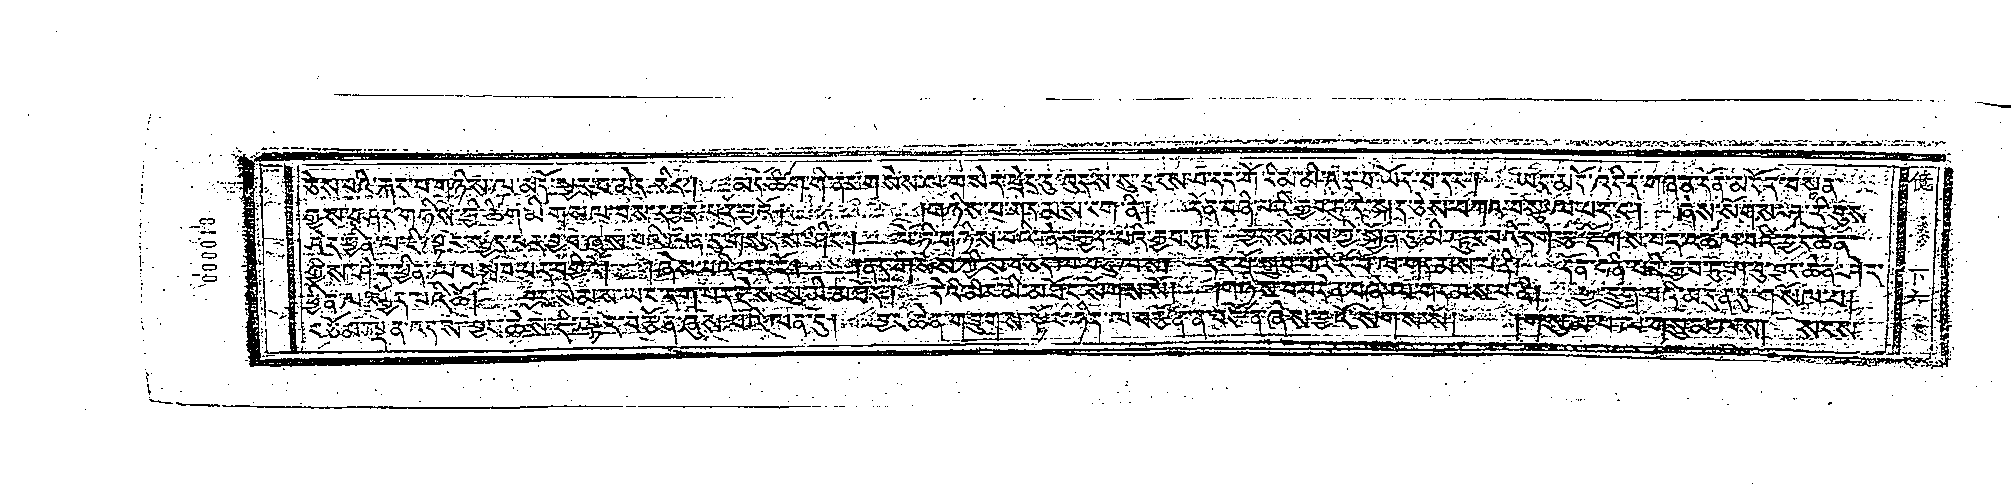ཅེས་པའི་རྐང་པ་གཉིས་ལ་མདོ་སྦྱར་བ་མེད་ཅིང་། མདོ་ཚིག་གི་ནང་གསེས་ལ་གསེར་ཕྲེང་དུ་བུད་ས་སུ་དྲངས་པ་དང་གོ་རིམ་མི་འདྲ་བ་ཡོད་པ་དང་། ཡང་མདོ་འདིར་གཞན་དོན་མདོར་བསྟན་
རྒྱས་བཤད་གཉིས་ཀྱི་ཚིག་མི་གསལ་བས་དཔྱད་པར་བྱའོ། །གཉིས་པ་གདམས་ངག་ནི། དོན་བཞི་པའི་རྒྱབ་ཏུ་དེ་སྐད་ཅེས་བཀའ་བསྩལ་པ་དང་། ཞེ་སོགས་ཤཱ་རི་བུས་
ཤེར་ཕྱིན་ལ་ཇི་ལྟར་སྦྱར་བར་བྱ་བ་ཞུས་པའི་ལན་དུ་གསུངས་ཤིང་། པོ་ཏི་གཉིས་པའི་ཞེ་བརྒྱད་པའི་རྒྱབ་ཏུ། བྱང་སེམས་ཀྱི་སྐྱོན་དུ་མི་ལྟུང་བའི་དགེ་རྩ་རྫོགས་པར་འཚལ་བའི་བྱང་ཆེན་
གྱིས་ཤེར་ཕྱིན་ལ་བསླབ་པར་བགྱིའོ། །ཞེས་པའི་བར་རོ། །ནད་གསེས་ཀྱི་ས་བཅད་ལ་བཅུ་ལས། དང་པོ་སྒྲུབ་པའི་ངོ་བོ་ལ་གདམས་པ་ནི། དོན་བཞི་པའི་རྒྱབ་ཏུ་ཤ་བུ་བྱང་ཆེན་ཤེར་
ཕྱིན་ལ་སྤྱོད་པའི་ཚེ། བྱང་སེམས་ཡང་དག་པར་རྗེས་སུ་མི་མཐོང་། དེའི་མིང་མི་མཐོང་སོགས་སོ། །གཉིས་པ་བདེན་བཞི་ལ་གདམས་པ་ནི། གྱ་དྲུག་པའི་མདུན་དུ་གསོལ་པ།
བཅོམ་ལྡན་འདས་བྱང་ཆོས་ཇི་ལྟར་བརྩོན་ཞུས་པའི་ལན་དུ། བྱང་ཆེན་གཟུགས་སྟོང་ཉིད་ལ་བརྩོན་ན་བརྩོན་ཞེས་བྱའོ་ཞེས་སོགས་སོ། །གསུམ་པ་ལ་གསུམ་ལས། སངས་